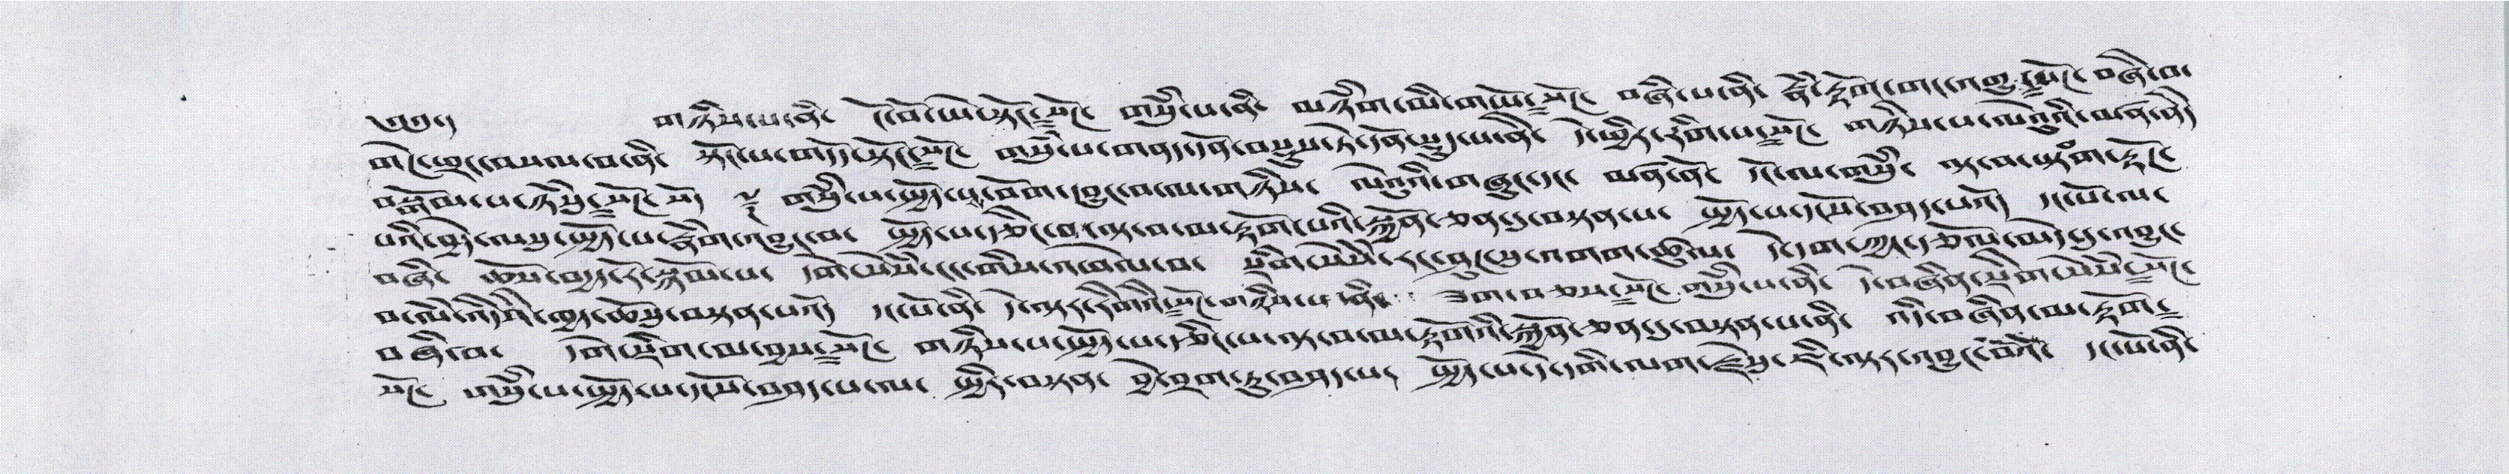གཉིས་པ་ནི་ངོ་བོ་ཡེ་སྟོང༑ སོགས། གསུམ་པ་ནི། མཉམ་གཞག་མི་གཡོ༑ སོགས། བཞི་པ་རྣམ་རྟོག་གང་འགྱུ༑སོགས། བཞི་བ་
གེགས་འཕྲང་བསལ་བ་ནི། སྟོང་པ་གདོད་སྟོང༑ སོགས། གསུམ་པ་གནད་དོན་བསྡུས་ཏེ་དོན་སྡུད་པ་ནི། དེ་ཕྱིར་རིག་པ༑ སོགས། གཉིས་པ་ལེའུ་མཚན་ཉིད་ནི། 
བསྒོམ་པ་ཉམས་སུ༑ སོགས་སོ། ༧ གསུམ་པ་སྤྱོད་པ་བོགས་དབྱུང་བ་ལ་གཉིས། ལེའུ་གཞུང་དང་། མཚན་ནོ། དང་པོ་ལ་གསུམ། ལྟ་བ་མཉམ་གཞག་རྟོགས་
པའི་བྱེད་ལས་སུ་སྤྱོད་པ་རྣམ་དག་འབྱུང་བ། སྤྱོད་པ་རྩིང་བ་ལྟ་བ་མ་རྟོགས་པའི་སྐྱོན་ཅན་དུ་བསྟན་པ། སྤྱོད་པ་དངོས་བཤད་པའོ། དང་པོ་ལ་
བཞི། ཆོས་བརྒྱད་རོ་སྙོམས་པ། དགེ་སེམས་ངང་གིས་འཕེལ་བ། སྡིག་སེམས་རང་ཤུགས་ཀྱིས་འགག་ཚུལ། དེ་དག་ཀྱང་རྩོལ་མེད་དུ་འབྱུང་
བ་ལམ་འདིའི་ཁྱད་ཆོས་སུ་བསྟན་པའོ། དང་པོ་ནི། དེ་ལྟར་རིག་པའི༑ སོགས། གཉིས་པ་ནི། ཟག་བཅས༑ སོགས། གསུམ་པ་ནི། དེ་བཞིན་སྡིག་སེམས༑ སོགས། 
བཞི་པ། དགེ་སྡིག་མ་བྱས༑ སོགས། གཉིས་པ་སྤྱོད་པ་རྩིང་བ་ལྟ་བ་མ་རྟོགས་པའི་སྐྱོན་ཅན་དུ་བསྟན་པ་ནི། འདི་བཞིན་མ་རྟོགས༑ 
སོགས། གསུམ་པ་སྤྱོད་པ་དངོས་བཤད་པ་ལ། སྤྱིར་བསྟན། བྱེ་བྲག་ཏུ་བཤད་པ། སྤྱོད་པ་དེ་དག་གི་ལག་རྗེས་སུ་ཅི་ལྟར་འབྱུང་བའོ། དང་པོ་ནི། དང་པོ་ནི།